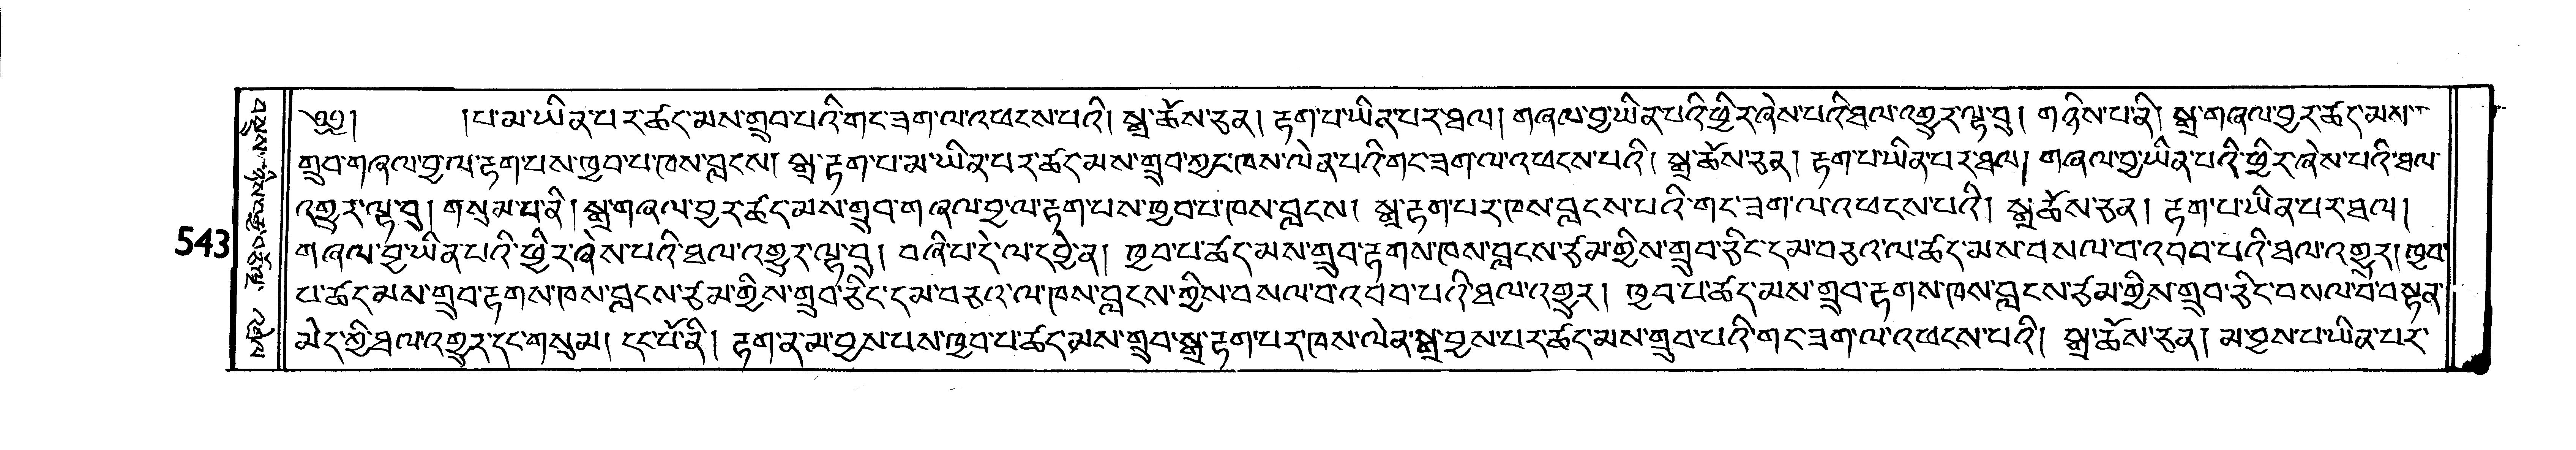༄༅། །པ་མ་ཡིན་པར་ཚད་མས་གྲུབ་པའི་གང་ཟག་ལ་འཕངས་པའི། སྒྲ་ཆོས་ཅན། རྟག་པ་ཡིན་པར་ཐལ། གཞལ་བྱ་ཡིན་པའི་ཕྱིར་ཞེས་པའི་ཐལ་འགྱུར་ལྟ་བུ། གཉིས་པ་ནི། སྒྲ་གཞལ་བྱར་ཚད་མས་
གྲུབ་གཞལ་བྱ་ལ་རྟག་པས་ཁྱབ་པ་ཁས་བླངས། སྒྲ་རྟག་པ་མ་ཡིན་པར་ཚད་མས་གྲུབ་ཀྱང་ཁས་ལེན་པའི་གང་ཟག་ལ་འཕངས་པའི། སྒྲ་ཆོས་ཅན། རྟག་པ་ཡིན་པར་ཐལ། གཞལ་བྱ་ཡིན་པའི་ཕྱིར་ཞེས་པའི་ཐལ་
འགྱུར་ལྟ་བུ། གསུམ་པ་ནི། སྒྲ་གཞལ་བྱར་ཚད་མས་གྲུབ་གཞལ་བྱ་ལ་རྟག་པས་ཁྱབ་པ་ཁས་བླངས། སྒྲ་རྟག་པར་ཁས་བླངས་པའི་གང་ཟག་ལ་འཕངས་པའི། སྒྲ་ཆོས་ཅན། རྟག་པ་ཡིན་པར་ཐལ།
གཞལ་བྱ་ཡིན་པའི་ཕྱིར་ཞེས་པའི་ཐལ་འགྱུར་ལྟ་བུ། བཞི་པ་དེ་ལ་དབྱེ་ན། ཁྱབ་པ་ཚད་མས་གྲུབ་རྟགས་ཁས་བླངས་ཙམ་གྱིས་གྲུབ་ཅིང་དམ་བཅའ་ལ་ཚད་མས་བསལ་བ་འབབ་པའི་ཐལ་འགྱུར། ཁྱབ་
པ་ཚད་མས་གྲུབ་རྟགས་ཁས་བླངས་ཙམ་གྱིས་གྲུབ་ཅིང་དམ་བཅའ་ལ་ཁས་བླངས་ཀྱིས་བསལ་བ་འབབ་པའི་ཐལ་འགྱུར། ཁྱབ་པ་ཚད་མས་གྲུབ་རྟགས་ཁས་བླངས་ཙམ་གྱིས་གྲུབ་ཅིང་བསལ་བ་བསྟན་
མེད་ཀྱི་ཐལ་འགྱུར་དང་གསུམ། དང་པོ་ནི། རྟག་ན་མ་བྱས་པས་ཁྱབ་པ་ཚད་མས་གྲུབ་སྒྲ་རྟག་པར་ཁས་ལེན་སྒྲ་བྱས་པར་ཚད་མས་གྲུབ་པའི་གང་ཟག་ལ་འཕངས་པའི། སྒྲ་ཆོས་ཅན། མ་བྱས་པ་ཡིན་པར་